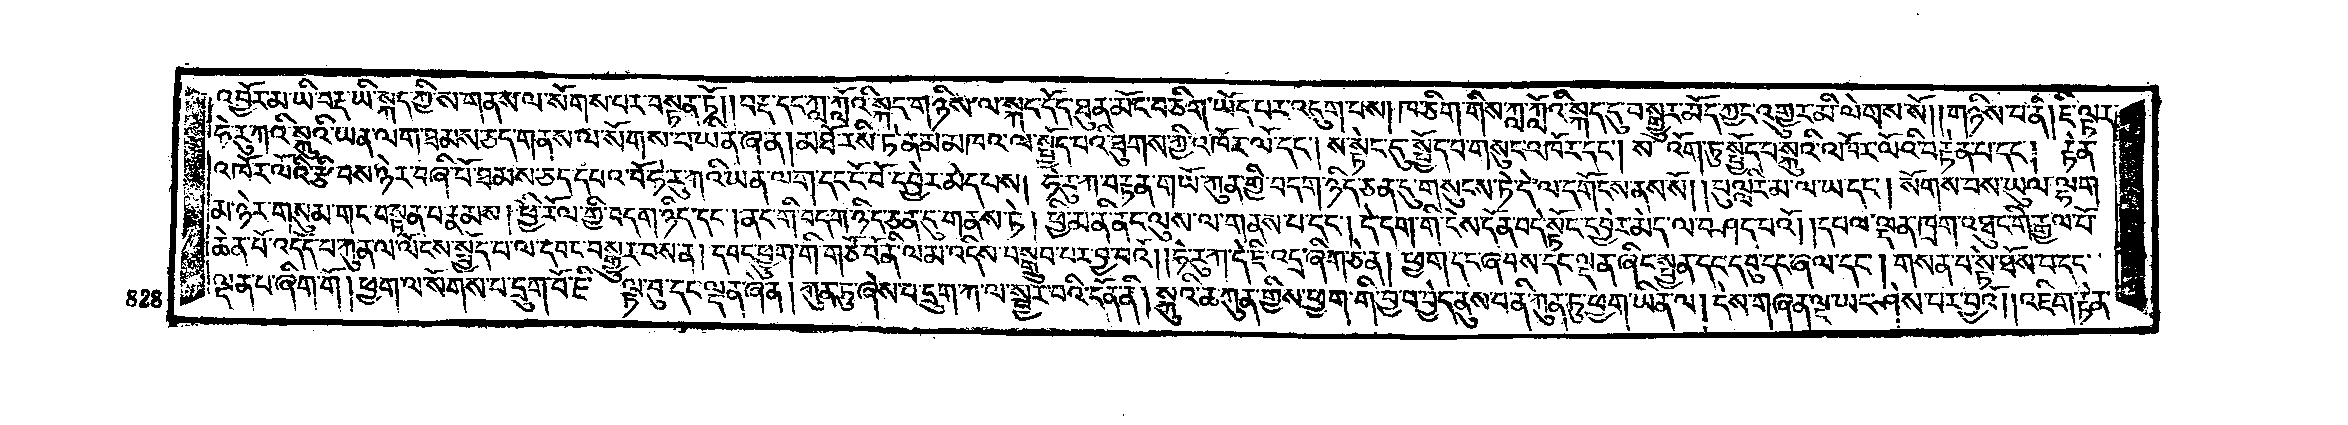འབྱོར་མ་ཡི་བརྡ་ཡི་སྐད་ཀྱི་ས་གནས་ལ་སོགས་པར་བསྟན་ཏོ། །བརྡ་དང་ཀླ་ཀློའི་སྐད་གཉིས་ལ་སྐད་དོད་ཐུན་མོང་བ་ཅིག་ཡོད་པར་འདུག་པས། ཁ་ཅིག་གིས་ཀླ་ཀློའི་སྐད་དུ་བསྒྱུར་མོད་ཀྱང་འགྱུར་མི་ལེགས་སོ། །གཉིས་པ་ནི། ཇི་ལྟར་
ཧེ་རུ་ཀའི་སྐུའི་ཡན་ལག་ཐམས་ཅད་གནས་ལ་སོགས་པ་ཡིན་ཞེ་ན། མཐོ་རིས་ཏེ་ནམ་མཁའ་ལ་སྤྱོད་པའི་ཐུགས་ཀྱི་འཁོར་ལོ་དང་། ས་སྟེང་དུ་སྤྱོད་པ་གསུང་འཁོར་དང་། ས་འོག་ཏུ་སྤྱོད་པ་སྐུའི་འཁོར་ལོའི་བརྟེན་པ་དང་། རྟེན་
འཁོར་ལོའི་རྩིབས་ཉེར་བཞི་པོ་ཐམས་ཅད་དཔའ་བོ་ཧེ་རུ་ཀའི་ཡན་ལག་དང་ངོ་བོ་དབྱེར་མེད་པས། ཧེ་རུ་ཀ་བརྟན་གཡོ་ཀུན་གྱི་བདག་ཉིད་ཅན་དུ་གསུངས་ཏེ་དེ་ལ་དགོངས་ནས་སོ། །པུལླིར་མ་ལ་ཡ་དང་། སོགས་པས་ཡུལ་ལྷག་
མ་ཉེར་གསུམ་གང་བསྟན་པ་རྣམས། ཕྱི་རོལ་གྱི་བདག་ཉིད་དང་། ནང་གི་བདག་ཉིད་ཅན་དུ་གནས་ཏེ། ཕྱི་མ་ནི་ནང་ལུས་ལ་གནས་པ་དང་། དེ་དག་གི་ངེས་དོན་བདེ་སྟོང་དབྱེར་མེད་ལ་བཤད་པའོ། །དཔལ་ལྡན་ཁྲག་འཐུང་གི་རྒྱལ་པོ་
ཆེན་པོ་འདོད་པ་ཀུན་ལ་ལོངས་སྤྱོད་པ་ལ་དབང་བསྒྱུར་བས་ན། དབང་ཕྱུག་གི་གཙོ་བོ་ནི་ལམ་འདིས་བསྒྲུབ་པར་བྱ་བའོ། །ཧེ་རུ་ཀ་དེ་ཇི་འདྲ་ཞིག་ཅེ་ན། ཕྱག་དང་ཞབས་དང་ལྡན་ཞིང་སྤྱན་དང་དབུ་དང་ཞལ་དང་། གསན་པ་སྟེ་ཐོས་པ་དང་
ལྡན་པ་ཞིག་གོ །ཕྱག་ལ་སོགས་པ་དྲུག་པོ་ཇི་ལྟ་བུ་དང་ལྡན་ཞེ་ན། ཀུན་ཏུ་ཞེས་པ་དྲུག་ཀ་ལ་སྦྱར་བའི་དོན་ནི། སྐུའི་ཆ་ཀུན་གྱིས་ཕྱག་གི་བྱ་བ་བྱེད་ནུས་པ་ནི་ཀུན་ཏུ་ཕྱག་ཡིན་ལ། དེས་གཞན་ལྔ་ཡང་ཤེས་པར་བྱའོ། །འཇིག་རྟེན་